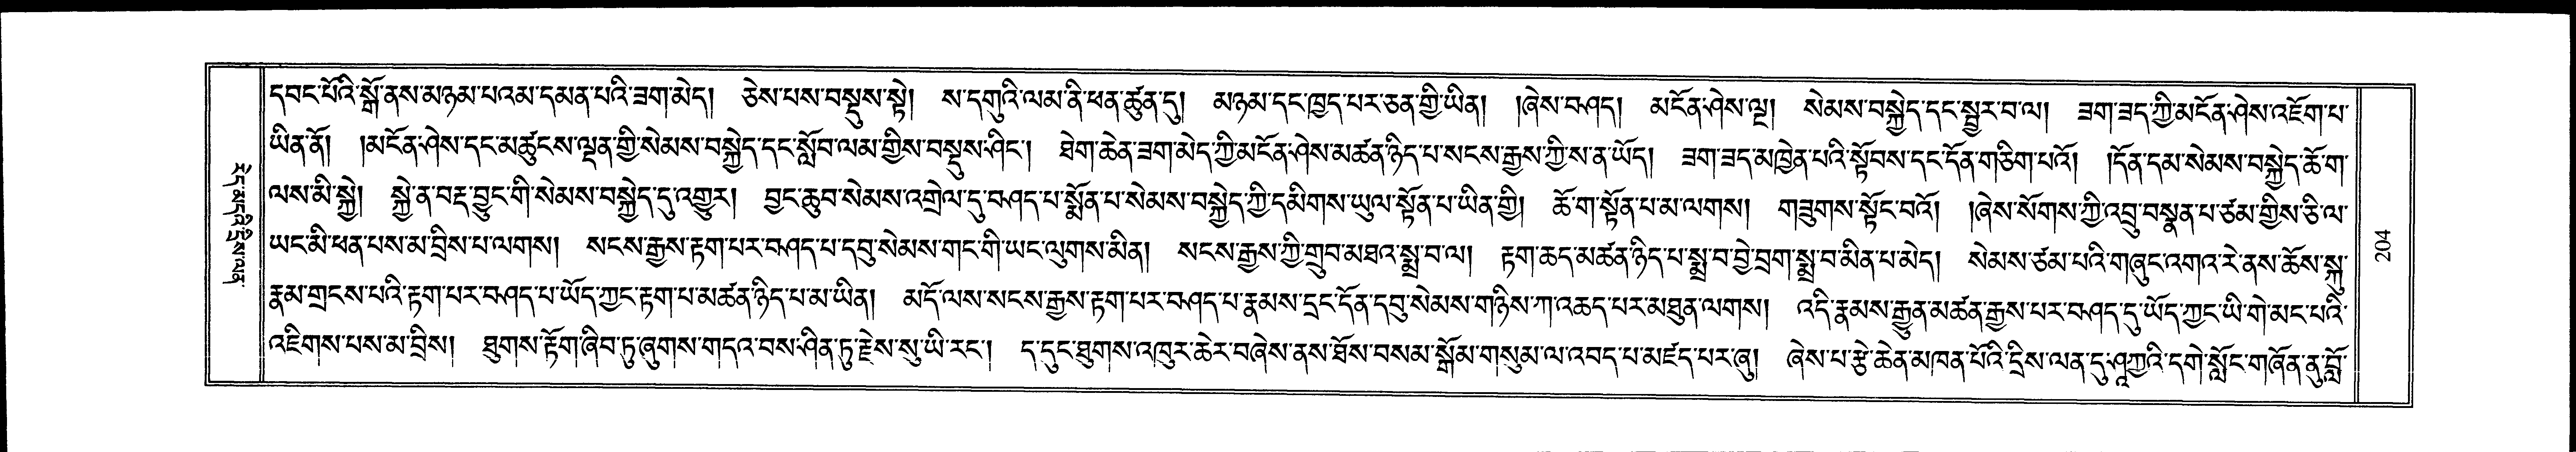དབང་པོའི་སྒོ་ནས་མཉམ་པའམ་དམན་པའི་ཟག་མེད། ཅེས་པས་བསྡུས་སྟེ། ས་དགུའི་ལམ་ནི་ཕན་ཚུན་དུ། མཉམ་དང་ཁྱད་པར་ཅན་གྱི་ཡིན། །ཞེས་བཤད། མངོན་ཤེས་ལྔ། སེམས་བསྐྱེད་དང་སྦྱར་བ་ལ། ཟག་ཟད་ཀྱི་མངོན་ཤེས་འཇོག་པ་
ཡིན་ནོ། །མངོན་ཤེས་དང་མཚུངས་ལྡན་གྱི་སེམས་བསྐྱེད་དང་སློབ་ལམ་གྱིས་བསྡུས་ཤིང་། ཐེག་ཆེན་ཟག་མེད་ཀྱི་མངོན་ཤེས་མཚན་ཉིད་པ་སངས་རྒྱས་ཀྱི་ས་ན་ཡོད། ཟག་ཟད་མཁྱེན་པའི་སྟོབས་དང་དོན་གཅིག་པའོ། །དོན་དམ་སེམས་བསྐྱེད་ཆོ་ག་
ལས་མི་སྐྱེ། སྐྱེ་ན་བརྡ་བྱུང་གི་སེམས་བསྐྱེད་དུ་འགྱུར། བྱང་ཆུབ་སེམས་འགྲེལ་དུ་བཤད་པ་སྨོན་པ་སེམས་བསྐྱེད་ཀྱི་དམིགས་ཡུལ་སྟོན་པ་ཡིན་གྱི། ཆོ་ག་སྟོན་པ་མ་ལགས། གཟུགས་སྟོང་བའོ། །ཞེས་སོགས་ཀྱི་འབྲུ་བསྣན་པ་ཙམ་གྱིས་ཅི་ལ་
ཡང་མི་ཕན་པས་མ་བྲིས་པ་ལགས། སངས་རྒྱས་རྟག་པར་བཤད་པ་དབུ་སེམས་གང་གི་ཡང་ལུགས་མིན། སངས་རྒྱས་ཀྱི་གྲུབ་མཐའ་སྨྲ་བ་ལ། རྟག་ཚད་མཚན་ཉིད་པ་སྨྲ་བ་བྱེ་བྲག་སྨྲ་བ་མིན་པ་མེད། སེམས་ཙམ་བའི་གཞུང་འགའ་རེ་ནས་ཆོས་སྐུ་
རྣམ་གྲངས་པའི་རྟག་པར་བཤད་པ་ཡོད་ཀྱང་རྟག་པ་མཚན་ཉིད་པ་མ་ཡིན། མདོ་ལས་སངས་རྒྱས་རྟག་པར་བཤད་པ་རྣམས་དྲང་དོན་དབུ་སེམས་གཉིས་ཀ་འཆད་པར་མཐུན་ལགས། འདི་རྣམས་རྒྱུན་མཚན་རྒྱས་པར་བཤད་དུ་ཡོད་ཀྱང་ཡི་གེ་མང་པའི་
འཇིགས་པས་མ་བྲིས། ཐུགས་རྟོག་ཞིབ་ཏུ་ཞུགས་གདའ་བས་ཤིན་ཏུ་རྗེས་སུ་ཡི་རང་། ད་དུང་ཐུགས་འཁུར་ཆེར་བཞེས་ནས་ཐོས་བསམ་སྒོམ་གསུམ་ལ་འབད་པ་མཛད་པར་ཞུ། ཞེས་པ་རྩེ་ཆེན་མཁན་པོའི་དྲིས་ལན་དུ་ཤཱཀྱའི་དགེ་སློང་གཞོན་ནུ་བློ་